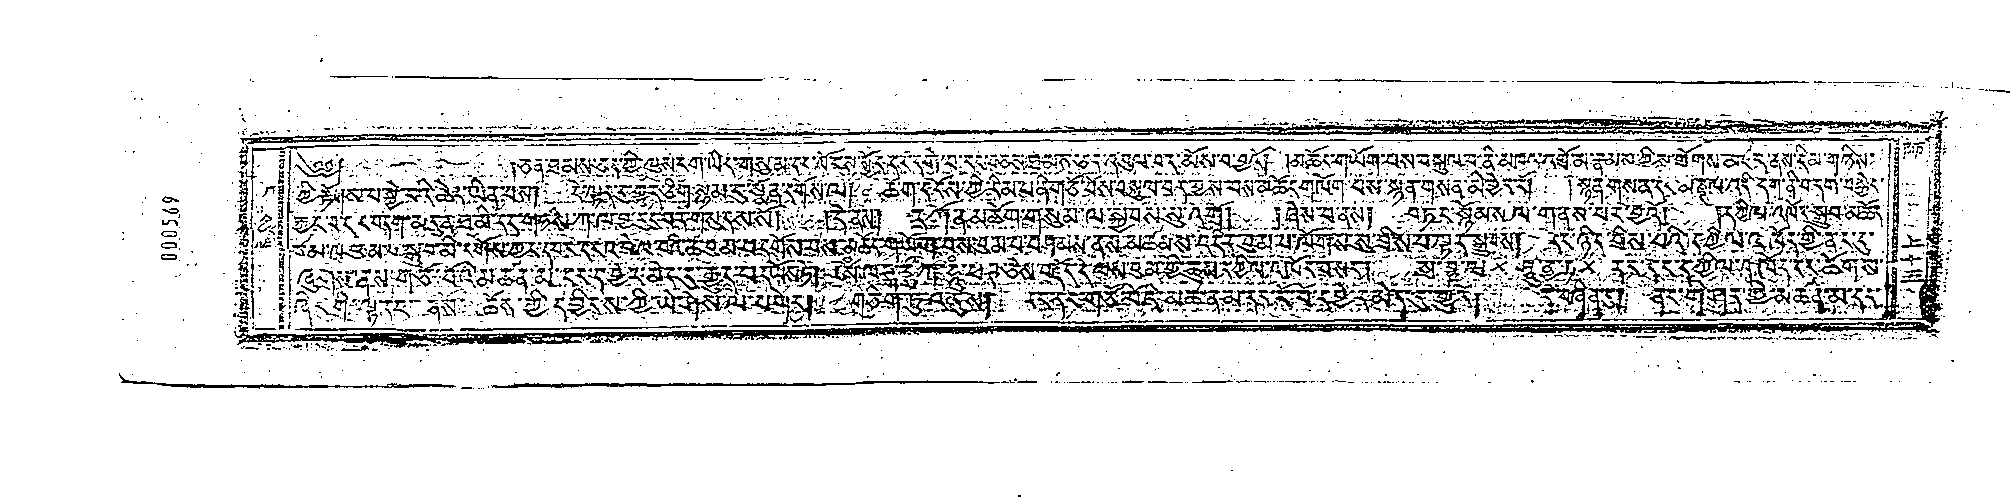༄༅། །ཅན་ཐམས་ཅད་ཀྱི་ལུས་ངག་ཡིད་གསུམ་དང་ལོངས་སྤྱོད་དང་དགེ་བ་དང་བཅས་ཐམས་ཅད་འབུལ་བར་མོས་བ་བྱའོ། །མཆོད་གཡོག་པས་བསྐུལ་བ་ནི་མཁའ་འགྲོ་མ་རྣམས་ཀྱིས་གྲོགས་མཛད་ནས་རིམ་གཉིས་
ཀྱི་རྟོགས་པ་སྐྱེ་བའི་ཆེད་ཡིན་པས། དེ་ལྟར་དུ་གྱུར་ཅིག་སྙམ་དུ་སྨོན་དགོས་ལ། ཆོ་ག་དངོས་ཀྱི་རིམ་པ་ནི་གཙོ་བོས་བསྐུལ་བར་བྱས་བས་མཆོད་ག་ལོག་པས་སྙན་གསན་མི་བྱེད་དོ། །སྙན་གསན་དང་མཎྜལ་འདི་དག་ནི་བདག་བསྐྱེད་
རྐྱང་བ་དང་བདག་མདུན་ཐ་མི་དད་གཉིས་ཀ་ལ་བྱ་རུང་བར་གསུངས་སོ། །དེ་ནས། དཀོན་མཆོག་གསུམ་ལ་སྐྱབས་སུ་འགྲོ། །ཞེས་པ་ནས། བཏང་སྙོམས་ལ་གནས་པར་བྱའོ། །དཀྱིལ་འཁོར་སྒྲུབ་མཆོད་
ཙམ་ལ་བུམ་པ་སྒྲུབ་མི་དགོས་ཀྱང་དབང་དང་འབྲེལ་བའི་ཚེ་བུམ་པ་དགོས་བས་མཆོད་གཡོག་པས་བུམ་པ་བཤམས་ནས་མཚམས་འདིར་བུམ་པ་ལོགས་སུ་བྲིས་བ་ལྟར་སྒྲུབས། རང་ཉིད་བྲིས་པའི་དཀྱིལ་འཁོར་གྱི་ནང་དུ་
ཞུགས་ནས་གཙོ་བོའི་མཚན་མ་དང་དབྱེར་མེད་དུ་རྒྱུད་པར་ཡོས་ཏེ། ཨོཾ་ཁཊྒ་དྷྲྀ་ཀ་ཧཱུཾ་ཕཊ་ཅེས་བརྗོད་དེ་ལས་བུམ་གྱི་ཆུས་དཀྱིལ་འཁོར་བསད། སྭ་བྷཱ་ཝ་྾་ཤཱུ་ནྱ་ཏ་྾་རང་དང་དཀྱིལ་འཁོར་དང་ཚོགས་
ཞིང་གི་ལྷ་དང་ནས་ཆོས་ཀྱི་དབྱིངས་ཀྱི་ཡེ་ཤེས་ལ་བགེང་། གཅིག་ཏུ་འདུས། རང་དང་གཙོ་བོའི་མཚན་མ་དང་ངོ་བོ་དབྱེར་མེད་དུ་གྱུར། དེ་བཞིན་དུ། ནང་གི་ཤར་གྱི་མཚན་མ་དང་